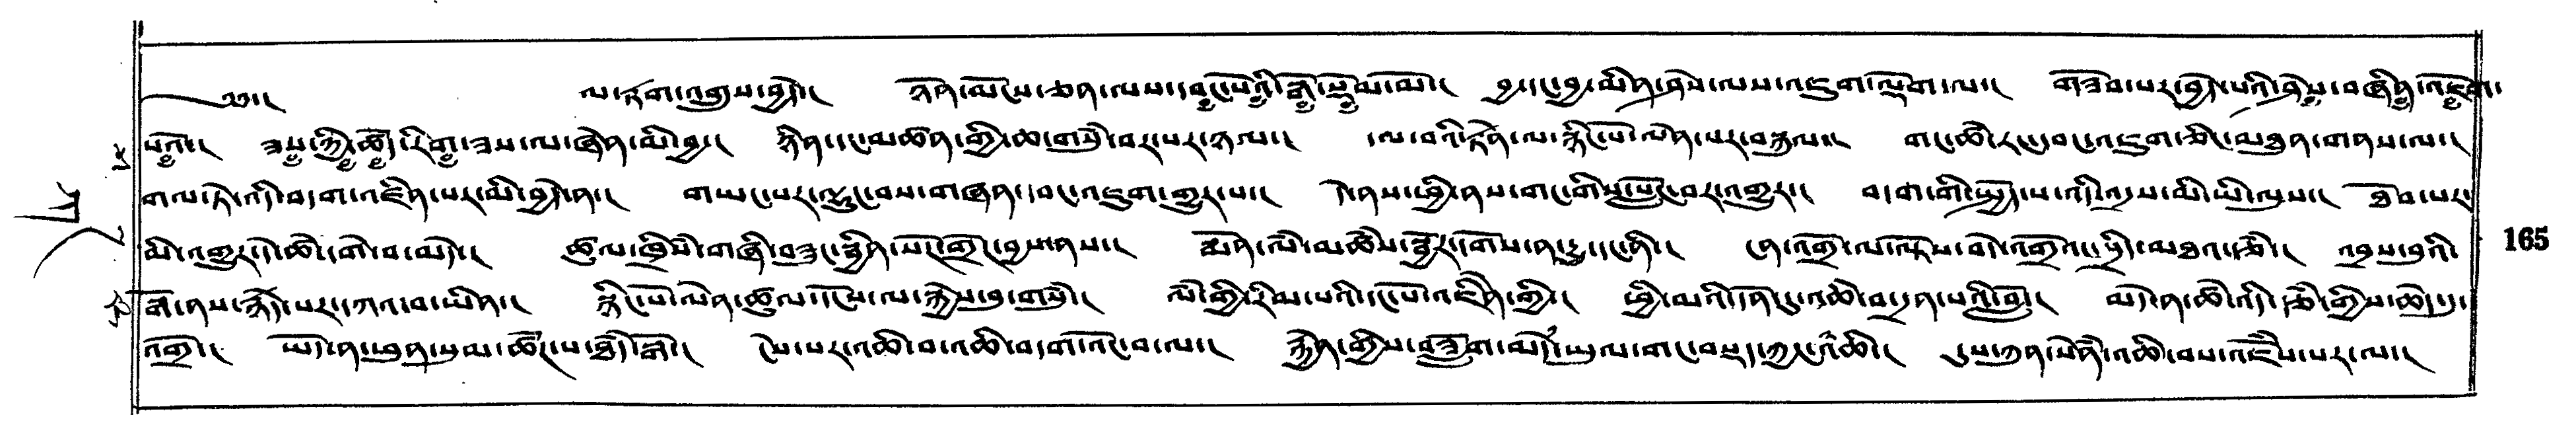ལ་རྟག་འགྲུས་བྱེད། །ཉོན་མོངས་ཅན་ལས་དབང་པོའི་སྒོ་སྡོམ་མོ། །བྱ་དང་བྱ་མིན་ཤེས་ལས་འཇུག་ལྡོག་ལ། །གཟོབ་པར་བྱེད་པའི་ཤེས་བཞིན་འཇོག་
པའོ། །ཟས་ཀྱི་ཚོད་རིག་ཟས་ལ་ཞེན་མི་བྱ། །ཉིན་དང་མཚན་གྱི་ཆ་གསུམ་བར་བར་ཉལ། །དལ་བའི་རྟེན་ལ་སྙིང་པོ་ལེན་པར་བསྐུལ། །གང་ཚེ་རང་དབང་འཇུག་ཅིང་མཐུན་གནས་ལ། །
གལ་ཏེ་འདི་བདག་འཛིན་པར་མི་བྱེད་ན། །གཡང་སར་ལྷུང་བས་གཞན་དབང་འཇུག་གྱུར་པ། །དེ་ནས་ཕྱི་ནས་གང་གིས་སློང་བར་འགྱུར། །བདག་གི་སྤྱོད་པ་འདི་འདྲས་མི་ཡི་ལུས། །འཐོབ་པར་
མི་འགྱུར་དེ་ཚེ་དགེ་བ་མེད། །ཚུལ་ཁྲིམས་གཞི་བཟུང་སྦྱིན་སོགས་གྲོགས་བྱས་ནས། །སྨོན་ལམ་མཚམས་སྦྱོར་དགོས་ན་རྒྱུ་དང་ནི། །ངན་འགྲོ་ལ་ལྟོས་བདེ་འགྲོའང་སྲིད་མཐའ་ཙམ། །འབྲས་བུའི་
སྒོ་ནས་རྙེད་པར་དཀའ་བ་ཡིན། །སྙིང་པོ་ལེན་ཚུལ་དངོས་ལ་སྐྱེས་བུ་གསུམ། །ལམ་གྱི་རིམ་པའི་དང་པོ་འཇིག་རྟེན་གྱི། །ཕྱི་མའི་དོན་དུ་འཆི་བ་དྲན་པའི་བློ། །མེད་ན་ཚེ་འདི་ཙམ་གྱིས་ཆེད་དུ་
འགྲོ། །ཡོད་ན་ཕུན་སུམ་ཚོགས་པ་ཐམས་ཅད་སྒོ། །ངེས་པར་འཆི་བ་འཆི་བདག་འོང་བ་ལ། །རྐྱེན་གྱིས་བཟློག་མེད་ཡུལ་གང་བསྡད་ཀྱང་འཆི། །དུས་ཀུན་སེམས་ཅན་འཆི་བ་འཇོམས་པ་ལ། །